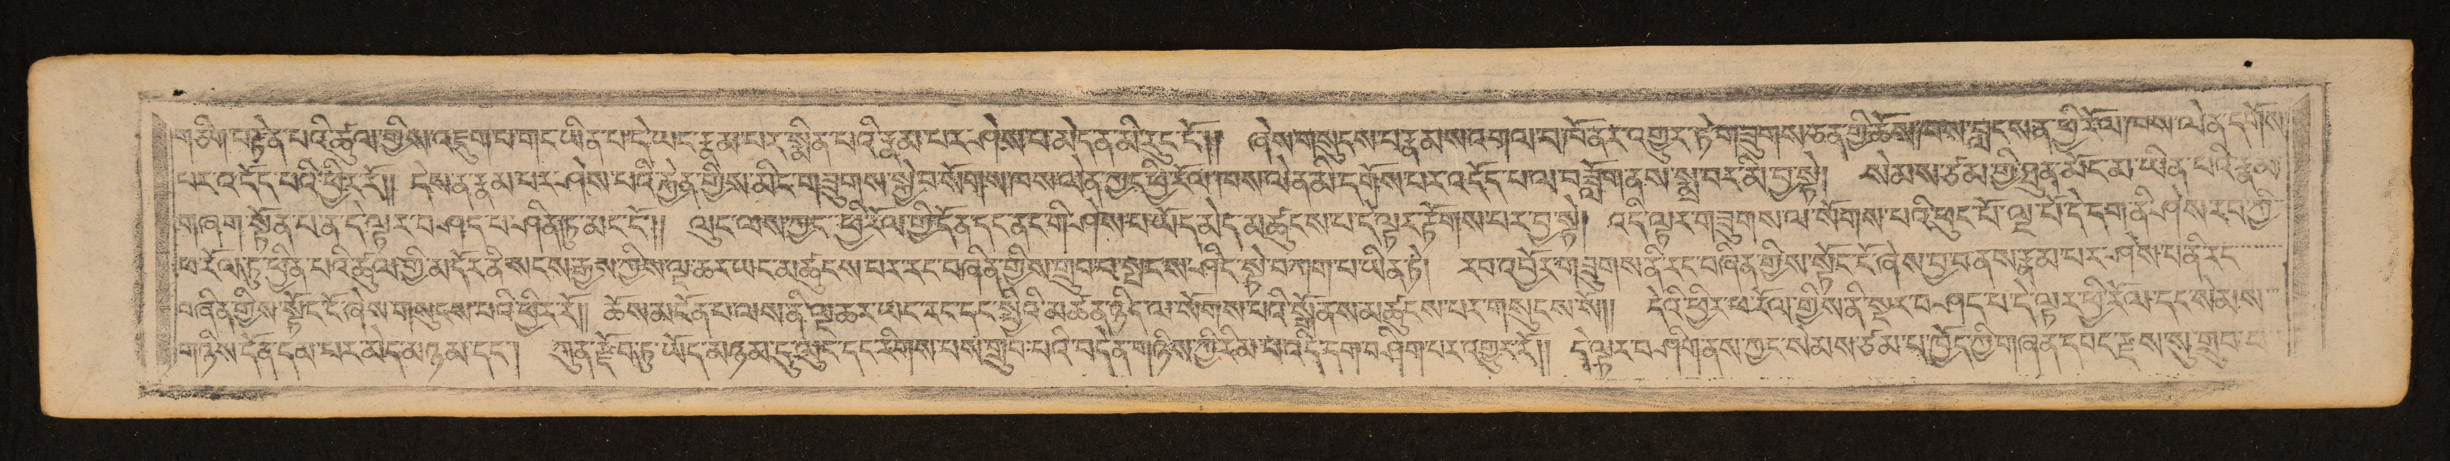གཅིག་བརྟེན་པའི་ཚུལ་གྱིས་འཇུག་པ་གང་ཡིན་པ་དེ་ཡང་རྣམ་པར་སྨིན་པའི་རྣམ་པར་ཤེས་པ་མེད་ན་མི་རུང་ངོ།། ཞེས་གསུངས་པ་རྣམས་འགལ་བ་ཁོ་ནར་འགྱུར་ཏེ་གཟུགས་ཅན་གྱི་ཆོས་ཁས་བླངས་ན་ཕྱི་རོལ་ཁས་ལེན་དགོས་
པར་འདོད་པའི་ཕྱིར་རོ།། དེས་ན་རྣམ་པར་ཤེས་པའི་རྐྱེན་གྱིས་མིང་གཟུགས་སྐྱེ་བ་སོགས་ཁས་ལེན་ཀྱང་ཕྱི་རོལ་ཁས་ལེན་མི་དགོས་པར་འདོད་པ་ལ་བཟློག་ནས་སྨྲ་བར་མི་བྱ་སྟེ། སེམས་ཙམ་གྱི་ཐུན་མོང་མ་ཡིན་པའི་རྣམ་
གཞག་སྟོན་པ་ན་དེ་ལྟར་བཤད་པ་ཤིན་ཏུ་མང་ངོ།། ལུང་ལས་ཀྱང་ཕྱི་རོལ་གྱི་དོན་དང་ནང་གི་ཤེས་པ་ཡོད་མེད་མཚུངས་པ་དེ་ལྟར་རྟོགས་པར་བྱ་སྟེ། འདི་ལྟར་གཟུགས་ལ་སོགས་པའི་ཕུང་པོ་ལྔ་པོ་དེ་དག་ནི་ཤེས་རབ་ཀྱི་
ཕ་རོལ་ཏུ་ཕྱིན་པའི་ཚུལ་གྱི་མདོར་ནི་སངས་རྒྱས་ཀྱིས་ལྔ་ཆར་ཡང་མཚུངས་པར་རང་བཞིན་གྱིས་གྲུབ་པ་སྤངས་ཤིང་སྟེ་བཀག་པ་ཡིན་ཏེ། རབ་འབྱོར་གཟུགས་ནི་རང་བཞིན་གྱིས་སྟོང་ངོ་ཞེས་བྱ་བ་ནས་རྣམ་པར་ཤེས་པ་ནི་རང་
བཞིན་གྱིས་སྟོང་ངོ་ཞེས་གསུངས་པའི་ཕྱིར་རོ།། ཆོས་མངོན་པ་ལས་ནི་ལྔ་ཆར་ཡང་རང་དང་སྤྱིའི་མཚན་ཉིད་ལ་སོགས་པའི་སྒོ་ནས་མཚུངས་པར་གསུངས་སོ།། དེའི་ཕྱིར་ཕ་རོལ་གྱིས་ནི་སྔར་བཤད་པ་དེ་ལྟར་ཕྱི་རོལ་དང་སེམས་
གཉིས་དོན་དམ་པར་མེད་མཉམ་དང་། ཀུན་རྫོབ་ཏུ་ཡོད་མཉམ་དུ་ལུང་དང་རིགས་པས་གྲུབ་པའི་བདེན་གཉིས་ཀྱི་རིམ་པ་འདི་དག་བཤིག་པར་འགྱུར་རོ།། དེ་ལྟར་བཤིག་ནས་ཀྱང་སེམས་ཙམ་པ་ཁྱོད་ཀྱི་གཞན་དབང་རྫས་སུ་གྲུབ་པ་